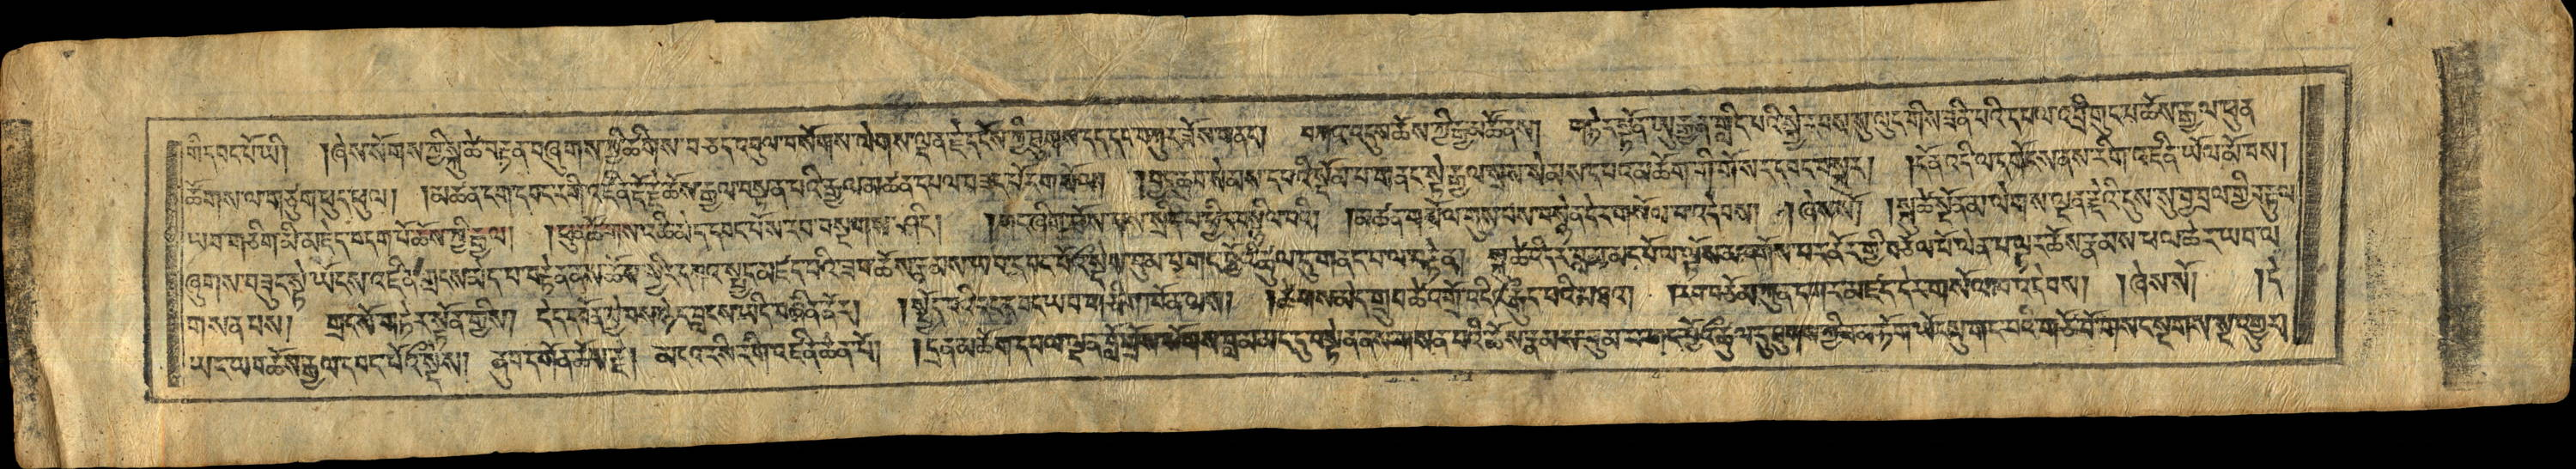གི་དབང་པོ་ཡི། །ཞེས་སོགས་ཀྱི་སྐུ་ཚེ་བརྟན་བཞུགས་ཀྱི་ཚིགས་བཅད་འབུལ་བ་སོགས་ལེགས་ལྡན་རྗེ་དངོས་ཀྱི་ཐུགས་དད་དང་བཀུར་ཟོས་གནང་། བཀའ་འདུས་ཆོས་ཀྱི་རྒྱ་མཚོ་ནས། གཏེར་སྟོན་ཨུ་རྒྱན་གླིང་པའི་སྐྱེ་རབས་སུ་ལུང་གིས་ཟིན་བའི་དཔལ་འབྲི་གུང་བ་ཆོས་རྒྱལ་ཕུན་
ཚོགས་ལ་གཙུག་ཕུར་ཕུལ། །མཚན་ངག་དབང་རིག་འཛིན་རྡོ་རྗེ་ཆོས་རྒྱལ་བསྟན་པའི་རྒྱལ་མཚན་དཔལ་བཟང་བོར་གསོལ། །བྱང་ཆུབ་སེམས་དཔའི་སྡོམ་བ་གནང་སྟེ་རྒྱལ་སྲས་སེམས་དཔའ་མཆོག་གི་གོ་སར་དབང་བསྐུར། །དོན་འདི་ལ་དགོངས་ནས་རིག་འཛིན་ཡོལ་མོ་བས།
ཡབ་གཅིག་མི་མཇེད་བདག་པོ་ཆོས་ཀྱི་རྒྱལ། །ཕུན་ཚོགས་འཆི་མེད་དབང་པོས་རབ་བསྔགས་ཤིང་། །གང་ཞིག་ཐོས་བས་སྲིད་པ་ཕྱིར་བསྙིལ་བའི། །མཚན་གསོལ་གུས་པས་བསྙེན་དེར་གསོལ་བ་འདེབས། །ཞེས་སོ། །སྐུ་ཚེ་སྔོན་མ་ལེགས་ལྡན་རྗེའི་དུས་སུ་བྱ་བྲལ་གྱི་བརྟུལ་
ཞུགས་བཟུང་སྟེ་ཡོངས་འཛིན་གྲངས་མེད་པ་བརྟེན་ནས་ཆོས་ཕྱིར་དཀའ་སྤྱད་མཛད་པའི་ཟབ་ཆོས་རྣམས་ཡབ་དབང་པོཨཱྀ་སྡེས་བུམ་པ་གང་བྱོའི་ཚུལ་དུ་གནད་བ་ལ་བརྟེན། སྐུ་ཚེ་འདིར་བླ་མ་མང་པོ་ལ་ལྟོས་མ་དགོས་པར་ནོར་གྱི་བཅོལ་པོ་ལེན་པ་ལྟར་ཆོས་རྣམས་ཕལ་ཆེར་ཡབ་ལ་
གསན་པས། གྲང་སོ་གཏེར་སྟོན་གྱིས། དེད་དཔོན་བྱེ་བས་ཉེར་བླངས་ཡིད་བཞིན་ནོར། །སྤྱོད་པའི་རང་དབང་ཡབ་གཅིག་ཁོ་ན་ལས། །ཚེགས་མེད་གྲུབ་ཚེ་འགྲོ་འདིཨཱྀ་རྒུད་པའི་མཐའ། །རབ་བཅོམ་ཀུན་དགར་མཛད་དེར་གསོལ་བ་འདེབས། །ཞེས་སོ། །དེ་
ཡང་ཡབ་ཆོས་རྒྱལ་དབང་པོཨཱྀ་སྡེས། ནུབ་དགོན་ཆོས་རྗེ། མངའ་རིས་རིག་འཛིན་ཆེན་པོ། །དྲན་མཆོག་དཔལ་ལྡན་བློ་གོས་སོགས་བླ་མ་མང་དུ་བསྟེན་ནས་གསན་པའི་ཆོས་རྣམས་བུམ་པ་གང་བྱོཨཱྀ་ཚུལ་དུ་ཐུགས་ཀྱི་ཟ་མ་ཏོག་ཡོང་སུ་གང་བའི་གཙོ་བོ་གསང་སྔགས་སྔ་འགྱུར།